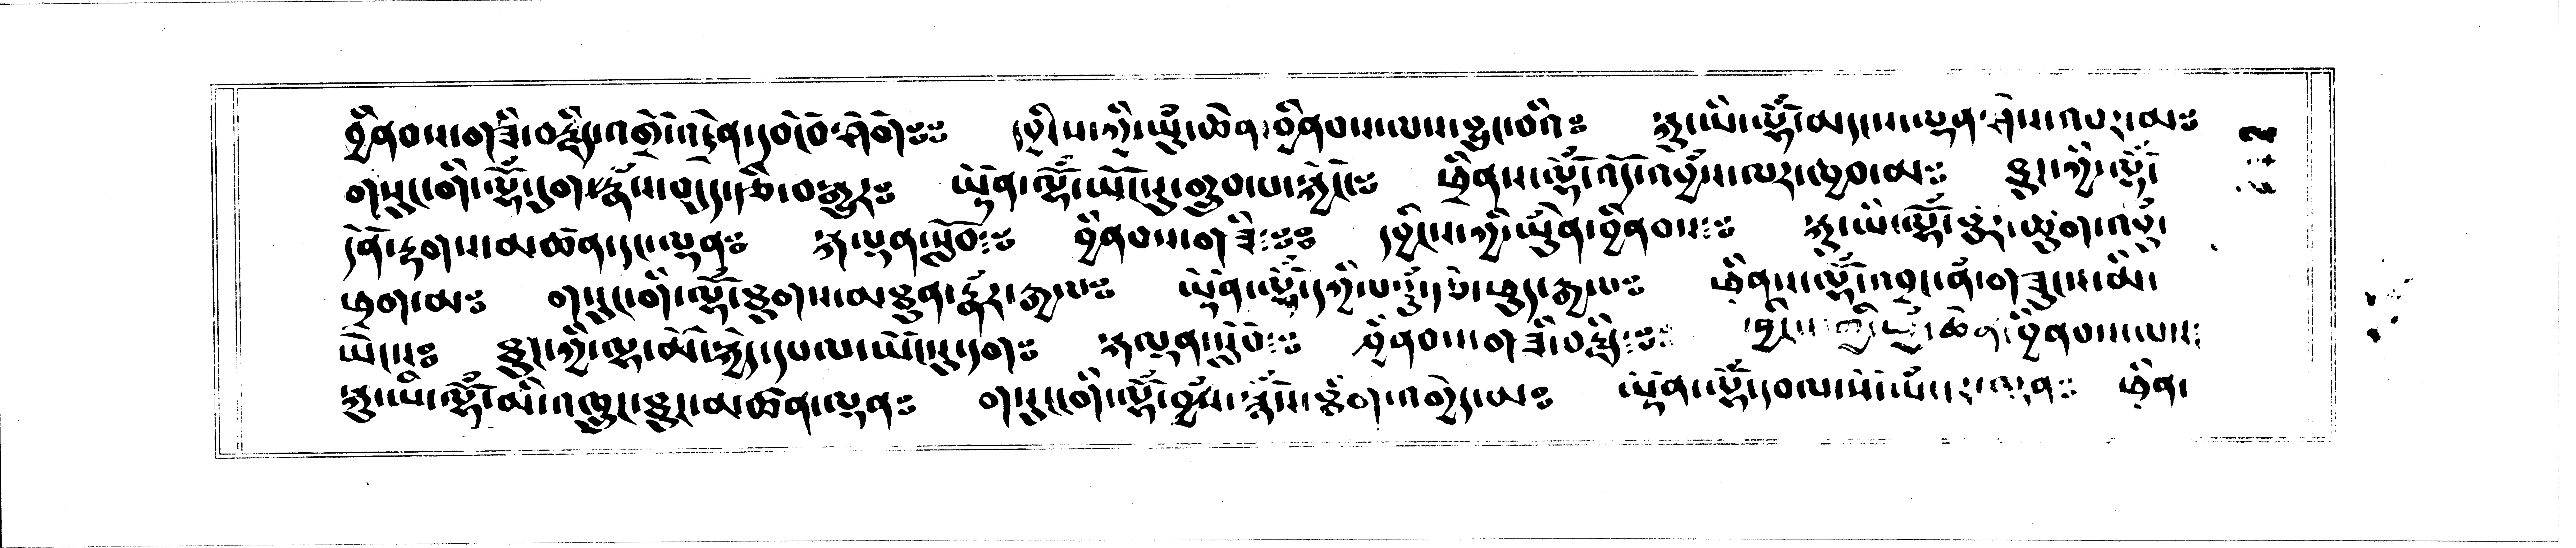བྱིན་རླབས་གཟི་བརྗིད་འགྲོ་འདྲེན་དབང་ཐོབ་ཤོགཿ དབྱིངས་ཀྱི་ཡུམ་ཆེན་བྱིན་རླབས་ལས་བྱུང་བའིཿ སྐུ་ཡི་ལྷ་མོ་མདངས་ལྡན་ཤེས་འབར་མཿ 
གསུང་གི་ལྷ་མོ་དུག་རྣམས་བདུད་རྩིར་བསྒྱུརཿ ཡོན་ཏན་གྱི་ལྷ་མོ་ཡོངས་སུ་གྲུབ་པ་སྐྱོངཿ ཕྲིན་ལས་ཀྱི་ལྷ་མོ་འོད་འབྱམས་ལར་ཁྱབ་མཿ ཐུགས་ཀྱི་ལྷ་མོ་
དོན་རྟགས་མཚན་དང་ལྡནཿ སྐལ་ལྡན་སློབ་མ་རྣམས་ལ་དབང་བསྐུར་བསཿ བྱིན་རླབས་གཟི་བརྗིད་འགྲོ་འདྲེན་དབང་ཐོབ་ཤོགཿ དབྱིངས་ཀྱི་ཡུམ་ཆེན་བྱིན་རླབས་ལས་བྱུང་བའིཿ སྐུ་ཡི་ལྷ་མོ་ཐོར་ཚུགས་འབུམ་
ཕྲག་མཿ གསུང་གི་ལྷ་མོ་ཐུགས་མཐུན་རྣམ་པར་རྒྱལཿ ཡོན་ཏན་ལྷ་མོ་དཀྱིལ་རུམ་རྩེ་ཕུད་རྒྱལཿ ཕྲིན་ལས་ལྷ་མོ་འབྲང་ནམ་གཟུང་མི་
ཡེངསཿ ཐུགས་ཀྱི་ལྷ་མོ་སྐྱེད་དཔལ་ཡོངས་སུ་དགཿ སྐལ་ལྡན་སློབ་མ་རྣམས་ལ་དབང་བསྐུར་བསཿ བྱིན་རླབས་གཟི་བརྗིད་འགྲོ་འདྲེན་དབང་ཐོབ་ཤོགཿ དབྱིངས་ཀྱི་ཡུམ་ཆེན་བྱིན་རླབས་ལས་བྱུང་བའིཿ
 སྐུ་ཡི་ལྷ་མོ་མི་འཁྲུག་ཐུགས་མཚན་ལྡནཿ གསུང་གི་ལྷ་མོ་བྱམས་སྙོམས་ཐིག་འབྱེད་མཿ ཡོན་ཏན་གྱི་ལྷ་མོ་དབལ་སོ་ཡམ་ངང་ལྡནཿ ཕྲིན་